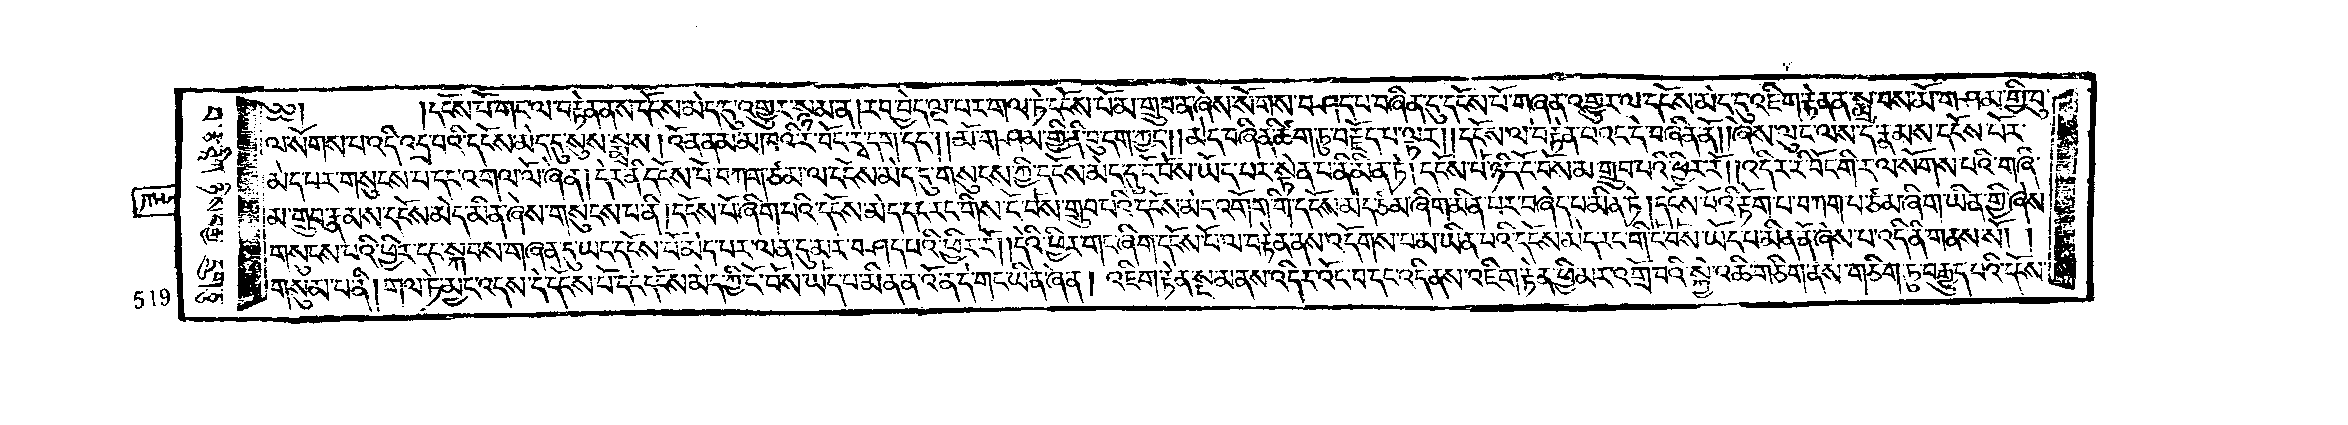༄༅། །དངོས་པོ་གང་ལ་བརྟེན་ནས་དངོས་མེད་དུ་འགྱུར་སྙམ་ན། རབ་བྱེད་ལྔ་པར་གལ་ཏེ་དངོས་པོ་མ་གྲུབ་ན་ཞེས་སོགས་བཤད་པ་བཞིན་དུ་དངོས་པོ་གཞན་འགྱུར་ལ་དངོས་མེད་དུ་འཇིག་རྟེན་ན་སྨྲ་བས་མོ་གཤམ་གྱི་བུ་
ལ་སོགས་པ་འདི་འདྲ་བའི་དངོས་མེད་དུ་སུས་སྨྲས། འོ་ན་ནམ་མཁའ་རི་བོང་རྭ་དག་དང་། །མོ་གཤམ་གྱི་ནི་བུ་དག་ཀྱང་། །མེད་བཞིན་ཚིག་ཏུ་བརྗོད་པ་ལྟར། །དངོས་ལ་བརྟེན་པའང་དེ་བཞིན་ནོ། །ཞེས་ལུང་ལས་དེ་རྣམས་དངོས་པོར་
མེད་པར་གསུངས་པ་དང་འགལ་ལོ་ཞེ་ན། དེར་ནི་དངོས་པོ་བཀག་ཙམ་ལ་དངོས་མེད་དུ་གསུངས་ཀྱི་དངོས་མེད་དུ་ངོ་བོས་ཡོད་པར་སྙེན་པ་ནི་མིན་ཏེ། དངོས་པོ་ཉིད་ངོ་བོས་མ་གྲུབ་པའི་ཕྱིར་རོ། །འདིར་རི་བོང་གི་རྭ་ལ་སོགས་པའི་གཞི་
མ་གྲུབ་རྣམས་དངོས་མེད་མིན་ཞེས་གསུངས་པ་ནི། དངོས་པོ་ཞིག་པའི་དངོས་མེད་དང་རང་གིས་ངོ་བོས་གྲུབ་བའི་དངོས་མེད་འགོག་གི་དངོས་མེད་ཙམ་ཞིག་མིན་པར་བཞེད་པ་མིན་ཏེ། དངོས་པོའི་རྟོག་པ་བཀག་པ་ཙམ་ཞིག་ཡིན་གྱི་ཞེས་
གསུངས་པའི་ཕྱིར་དང་སྐབས་གཞན་དུ་ཡང་དངོས་པོ་མེད་པར་ལན་དུ་མར་བཤད་པའི་ཕྱིར་རོ། །དེའི་ཕྱིར་གང་ཞིག་དངོས་པོ་ལ་བརྟེན་ནས་འདོགས་པ་མ་ཡིན་པའི་དངོས་མེད་རང་གི་ངོ་བོས་ཡོད་པ་མིན་ནོ་ཞེས་པ་འདི་ནི་གནས་སོ། །
གསུམ་པ་ནི། གལ་ཏེ་མྱང་འདས་དེ་དངོས་པོ་དང་དངོས་མེད་ཀྱི་ངོ་བོས་ཡོད་པ་མིན་ན་འོ་ན་དེ་གང་ཡིན་ཞེ་ན། འཇིག་རྟེན་སྔ་མ་ནས་འདིར་འོང་བ་དང་འདི་ནས་འཇིག་རྟེན་ཕྱི་མར་འགྲོ་བའི་སྐྱེ་འཆི་གཅིག་ནས་གཅིག་ཏུ་བརྒྱུད་པའི་དངོས་